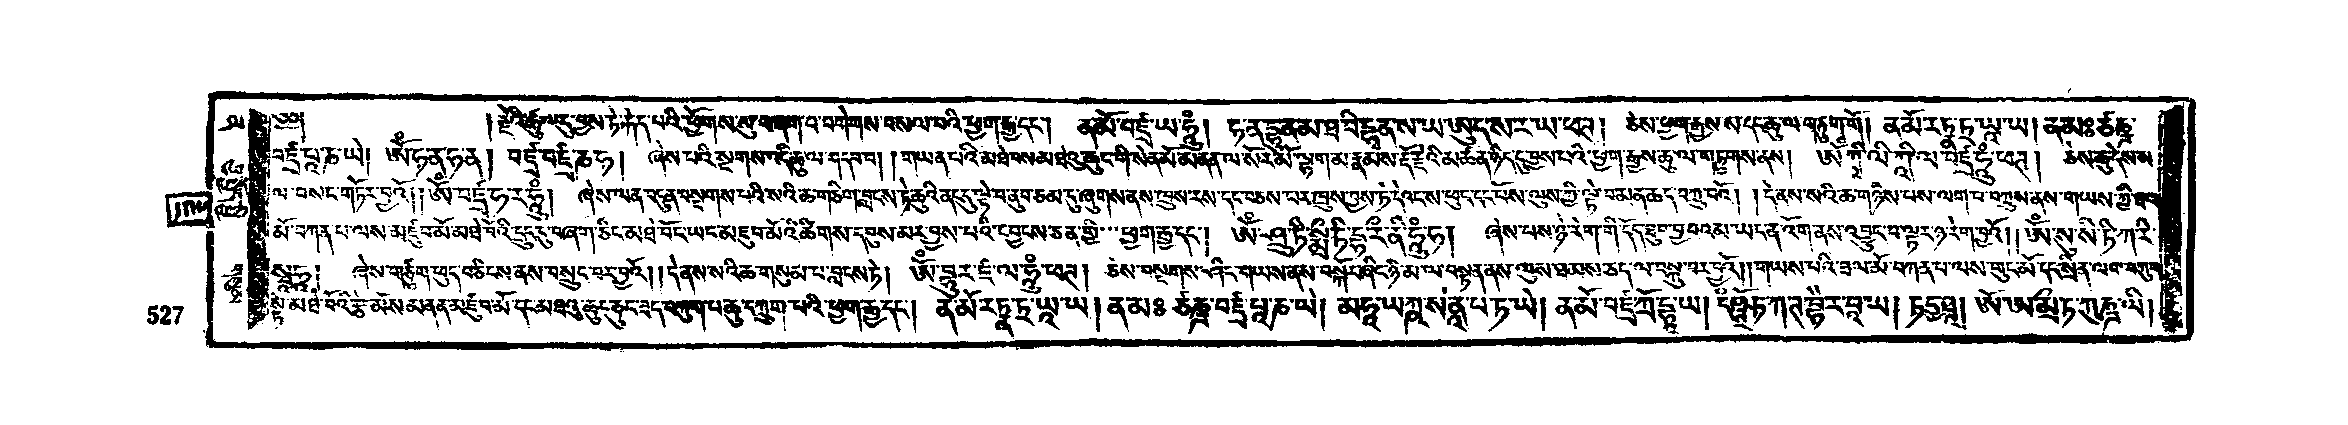༄༅། །རྗེའི་ཚུལ་དུ་བྱས་ཏེ་རྐེད་པའི་ཕྱོགས་སུ་བཞག་པ་བགེགས་བསལ་བའི་ཕྱག་རྒྱ་དང་། ན་མོ་བཛྲ་ཡ་ཧཱུཾ། ཧ་ན་དྷུ་ན་མ་ཐ་བི་དྷྭ་ན་ས་ཡ་ཨུད་ས་ར་ཡ་ཕཊ། ཅེས་ཕྱག་རྒྱས་ས་དང་ཆུ་ལ་གཏུག་གོ །  ན་མོ་རཏྣ་ཏྲ་ཡཱ་ཡ། ན་མཿ ཙནྜ་
བཛྲ་པཱ་ཎ་ཡེ། ཨོཾ་ཧ་ན་ཧ་ན། བཛྲ་བཛྲ་ཎ་ཧ། ཞེས་པའི་སྔགས་འདི་ཆུ་ལ་གདབ་པ། །གཡོན་པའི་མཐེ་བོས་མཐེའུ་ཆུང་གི་སེན་མོ་མནན་ལ་སོར་མོ་ལྷག་མ་རྣམས་རྡོ་རྗེའི་མཚན་ཉིད་དུ་བྱས་པའི་ཕྱག་རྒྱས་ཆུ་ལ་གཏུགས་ནས།  ཨོཾ་ཀཱི་ལི་ཀཱི་ལ་བཛྲ་ཧཱུཾ་ཕཊ། ཅེས་ཆུ་དེས་ས་
ལ་བསང་གཏོར་བྱའོ། །ཨོཾ་བཛྲ་ཧ་ར་ཧཱུཾ། ཞེས་ལན་བདུན་བསྔགས་པའི་སའི་ཆ་གཅིག་བླངས་ཏེ་ཆུའི་ནང་དུ་ལྟེ་བ་ནུབ་ཙམ་དུ་ཞུགས་ནས་ཁྲུས་རས་དང་བཅས་པར་ཁྲུས་བྱས་ཏེ་དེའང་ས་ཕུང་དང་པོས་ལུས་ཀྱི་ལྟེ་བ་མན་ཆད་བཀྲུ་བའོ། །དེ་ནས་སའི་ཆ་གཉིས་པས་ལག་པ་བཀྲུས་ནས་གཡས་ཀྱི་ཐལ་
མོ་བཀན་པ་ལས་མཛུབ་མོ་མཐེ་བོའི་དྲུང་དུ་བཞག་ཅིང་མཐེ་བོང་ཡང་མཛུབ་མོའི་ཚིགས་དབུས་མར་བྱས་པའི་དབྱངས་ཅན་གྱི་ཕྱག་རྒྱ་དང་། ཨོཾ་ཤྲུ་ཏི་སྨྲྀ་ཏི་དྷྀ་ར་ནི་ཧཱུཾ་ཧ། ཞེས་པས་ཉེ་རེག་གི་དོད་ཐུབ་བྱ་བའམ་ཡང་ན་འོག་ནས་འབྱུང་བ་ལྟར་ཉ་རེག་བྱའོ།  །ཨོཾ་སུ་སི་ཏི་ཀ་རི་
སྭཱཧཱ། ཞེས་གཙུག་ཕུད་བཅིངས་ནས་བསྲུང་བར་བྱའོ། །དེ་ནས་སའི་ཆ་གསུམ་པ་བླངས་ཏེ།  ཨོཾ་བྷུར་ཛ་ལ་ཧཱུཾ་ཕཊ། ཅེས་བསྔགས་ཤིང་གཡས་ནས་བསྐོར་ཞིང་ཉི་མ་ལ་བསྟན་ནས་ལུས་ཐམས་ཅད་ལ་བསྐུ་བར་བྱའོ། །གཡས་པའི་ཐལ་མོ་བཀན་པ་ལས་ཕུང་མོ་དང་སྲིན་ལག་བཀུག་
སྟེ་མཐེ་བོའི་རྩེ་མོས་མནན་མཛུབ་མོ་དང་མཐེའུ་ཆུང་ཅུང་ཟད་བཀུག་པ་ཆུ་དཀྲུག་པའི་ཕྱག་རྒྱ་དང་། ན་མོ་རཏྣ་ཏྲ་ཡཱ་ཡ། ན་མཿ ཙཎྜ་བཛྲ་པཱ་ཎ་ཡེ། མཧཱ་ཡཀྵ་སེ་ནཱ་པ་ཏ་ཡེ། ན་མོ་བཛྲ་ཀྲོ་དྷཱ་ཡ། དཾཥྚོ་ཏ་ཀཊ་བྷཻ་ར་བཱ་ཡ། ཏདྱ་ཐཱ། ཨོཾ་ཨ་མྲྀ་ཏ་ཀུཎྜ་ལི།